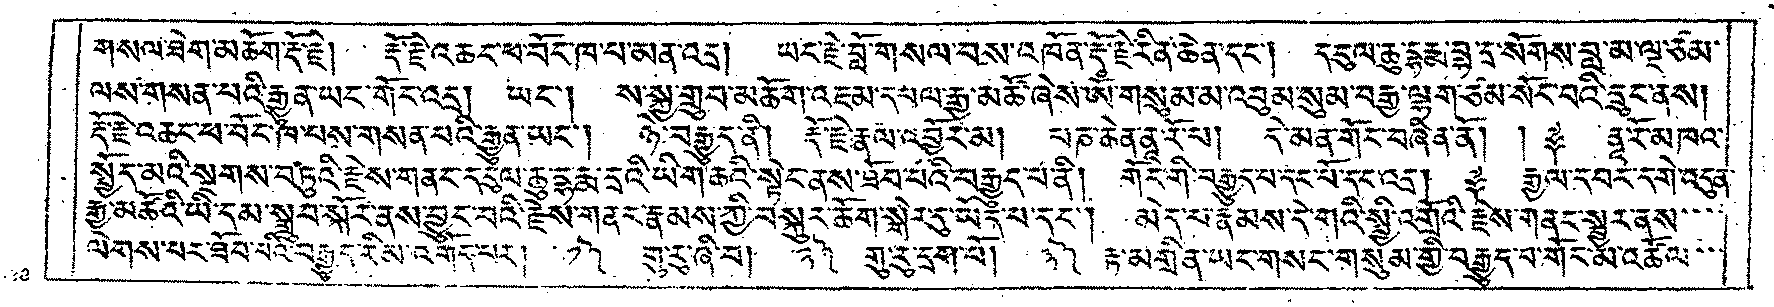གསལ་ཐེག་མཆོག་རྡོ་རྗེ། རྡོ་རྗེ་འཆང་ཕ་བོང་ཁ་པ་མན་འདྲ། ཡང་རྗེ་བློ་གསལ་བས་འཁོན་རྡོ་རྗེ་རིན་ཆེན་དང་། དངུལ་ཆུ་དྷརྨ་བྷ་དྲ་སོགས་བླ་མ་ལྔ་ཙམ་
ལས་གསན་པའི་རྒྱུན་ཡང་གོང་འདྲ། ཡང་། ས་སྐྱ་གྲུབ་མཆོག་འཇམ་དཔལ་རྒྱ་མཚོ་ཞེས་ཨོཾ་གསུམ་མ་འབུམ་སུམ་བརྒྱ་ལྷག་ཙམ་སོང་བའི་དྲུང་ནས།
རྡོ་རྗེ་འཆང་ཕ་བོང་ཁ་པས་གསན་པའི་རྒྱུན་ཡང་། ཉེ་བརྒྱུད་ནི། རྡོ་རྗེ་རྣལ་འབྱོར་མ། པཎ་ཆེན་ནཱ་རོ་པ། དེ་མན་གོང་བཞིན་ནོ། ། ༈ ནཱ་རོ་མཁའ་
སྤྱོད་མའི་སྔགས་བཏུའི་རྗེས་གནང་དངུལ་ཆུ་དྷརྨ་དྲའི་ཡིག་ཆའི་སྟེང་ནས་ཐོབ་པའི་བརྒྱུད་པ་ནི། གོང་གི་བརྒྱུད་པ་དང་པོ་དང་འདྲ། ༈ རྒྱལ་དབང་དགེ་འདུན་
རྒྱ་མཚོའི་ཡི་དམ་སྒྲུབ་སྐོར་ནས་བྱུང་བའི་རྗེས་གནང་རྣམས་ཀྱི་བསྐུར་ཆོག་སྒེར་དུ་ཡོད་པ་དང་། མེད་པ་རྣམས་དེ་གའི་སྤྱི་འགྲོའི་རྗེས་གནང་སྦྱར་ནས་
ལེགས་པར་ཐོབ་པའི་བརྒྱུད་རིམ་འགོད་པར། ༡?་གུ་རུ་ཞི་བ། ༢?་གུ་རུ་དྲག་པོ། ༣?་རྟ་མགྲིན་ཡང་གསང་གསུམ་གྱི་བརྒྱུད་པ་གོང་མ་འཚོལ་